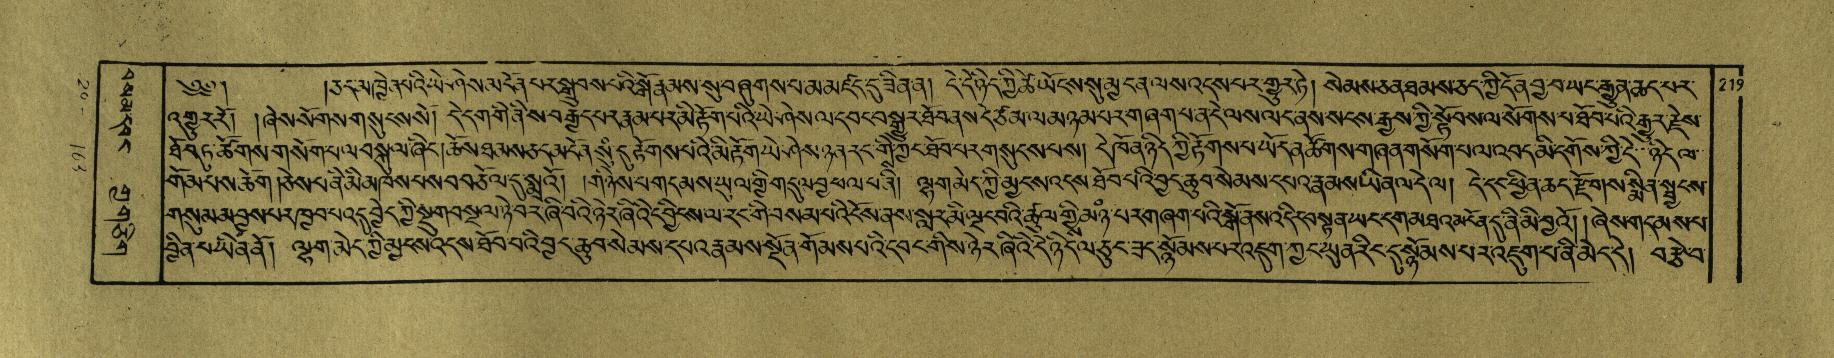༄༅། །ཅད་མཁྱེན་པའི་ཡེ་ཤེས་མངོན་པར་སྒྲུབས་པའི་སྒོ་རྣམས་སུ་བཞུགས་པ་མ་མཛད་དུ་ཟིན་ན། དེ་དེ་ཉིད་ཀྱི་ཚེ་ཡོངས་སུ་མྱ་ངན་ལས་འདས་པར་གྱུར་ཏེ། སེམས་ཅན་ཐམས་ཅད་ཀྱི་དོན་བྱ་བ་ཡང་རྒྱུན་ཆད་པར་
འགྱུར་རོ། །ཞེས་སོགས་གསུངས་སོ། དེ་དག་གི་ནི་ས་བརྒྱད་པར་རྣམ་པར་མི་རྟོག་པའི་ཡེ་ཤེས་ལ་དབང་བསྒྱུར་ཐོབ་ནས་དེ་ཙམ་ལ་མཉམ་པར་གཞག་པ་ན་དེ་ལས་ལང་ནས་སངས་རྒྱས་ཀྱི་སྟོབས་ལ་སོགས་པ་ཐོབ་པའི་རྒྱུར་རྗེས་
ཐོབ་ཏུ་ཚོགས་གསོག་པ་ལ་བསྐུལ་ཞིང་། ཆོས་ཐམས་ཅད་མངོན་སུཾ་དུ་རྟོགས་པའི་མི་རྟོག་ཡེ་ཤེས་ཉན་རང་གིས་ཀྱང་ཐོབ་པར་གསུངས་པས། དེ་ཁོ་ན་ཉིད་ཀྱི་རྟོགས་པ་ཡོད་ན་ཚོགས་གཞན་གསོག་པ་ལ་འབད་མི་དགོས་ཀྱི་དེ་ཉིད་ལ་
གོམ་པས་ཆོག །ཅེས་པ་ནི་མི་མཁས་པས་བབ་ཅོལ་དུ་སྨྲའོ། །གཉིས་པ་གདམས་ཡུལ་གྱི་གདུལ་བྱ་ཕལ་པ་ནི། ལྷག་མེད་ཀྱི་མྱངས་འདས་ཐོབ་པའི་བྱང་ཆུབ་སེམས་དཔའ་རྣམས་ཡིན་ལ་དེ་ལ། དེ་དང་ཕྱིན་ཆད་རྫོགས་སྨིན་སྦྱངས་
གསུམ་མ་བྱས་པར་ཁྱབ་པ་འདུ་བྱེད་ཀྱི་སྡུག་བསྔལ་ཉེ་བར་ཞི་བའི་ཉེར་ཞིའི་དབྱིངས་ལ་རང་གི་བསམ་པའི་ངོས་ནས་སླར་མི་ལྡང་བའི་ཚུལ་གྱིས་མཉཾ་པར་གཞག་པའི་སྒོ་ནས་འདིར་བསྟན་ཡང་དག་མཐའ་མངོན་དུ་ནི་མི་བྱའོ། །ཞེས་གདམས་པ་
བྱིན་པ་ཡིན་ནོ། །ལྷག་མེད་ཀྱི་མྱངས་འདས་ཐོབ་པའི་བྱང་ཆུབ་སེམས་དཔའ་རྣམས་སྔོན་གོམས་པའི་དབང་གིས་ཉེར་ཞིའི་དེ་ཉིད་ལ་ཅུང་ཟད་སྙོམས་པར་འཇུག་ཀྱང་ཡུན་རིང་དུ་སྙོམས་པར་འཇུག་པ་ནི་མེད་དེ། བརྩེ་བ་